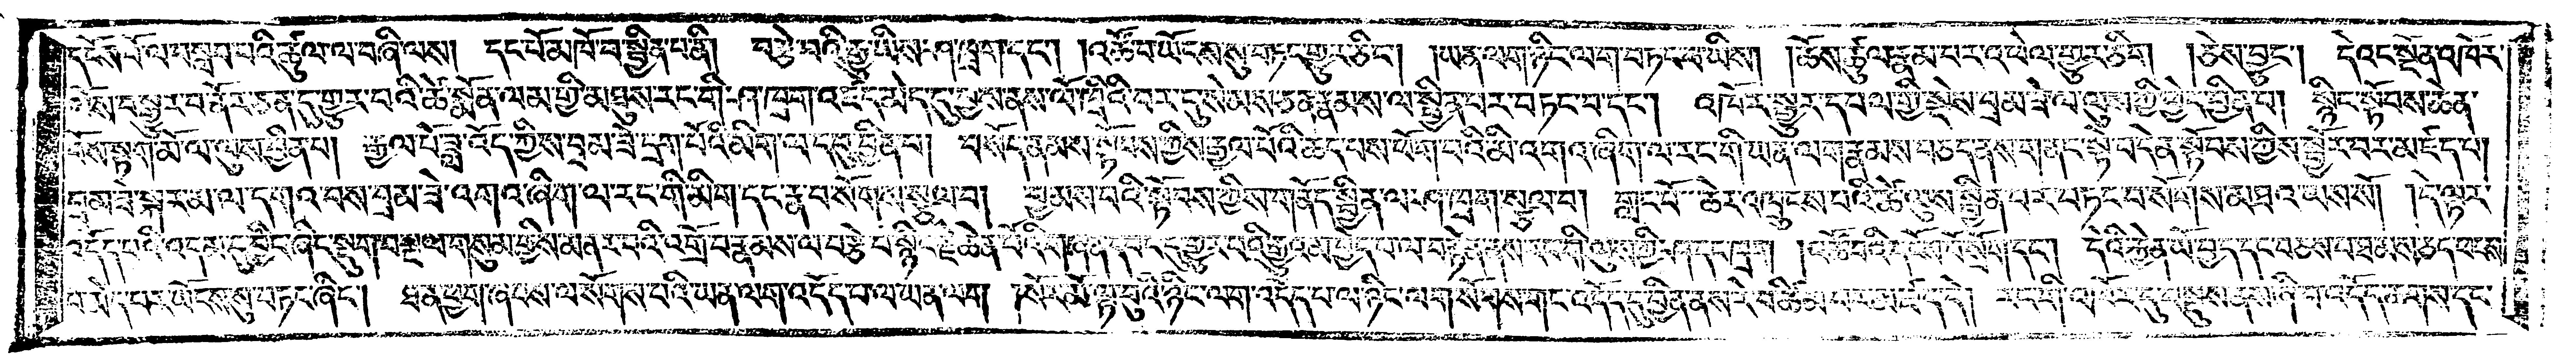དངོས་པོ་ལ་བསླབ་པའི་ཚུལ་ལ་བཞི་ལས། དང་པོ་མ་སོ་བ་སྦྱིན་པ་ནི། བརྩེ་བའི་རྒྱུ་ཡིས་ཤ་ཁྲག་དང་། །འཚོ་བ་ཡོངས་སུ་བཏང་གྱུར་ཅིག། །ཡན་ལག་གཉིད་ལག་བཏང་བ་ཡིས། །ཆོས་ཚུལ་རྣམ་པར་འཕེལ་གྱུར་ཅིག །ཅེས་བྱུང་། དེའང་སྔོན་འཁོར་
ལོས་བསྒྱུར་བ་ནོར་ཅན་དུ་གྱུར་པའི་ཚེ་སྨོན་ལམ་གྱི་མཐུས་རང་གི་ཤ་ཁྲག་འཛད་མེད་དུ་བྱས་ནས་ལོ་ཁྲིའི་བར་དུ་སེམས་ཅན་རྣམས་ལ་སྦྱིན་པར་བཏང་བ་དང་། འཁོར་སྒྱུར་དཔལ་གྱི་སྡེས་བྲམ་ཟེ་ལ་ལུས་ཀྱི་ཁྱེད་བྱིན་པ། སྙིང་སྟོབས་ཆེན་
པོས་སྟག་མོ་ལ་ལུས་བྱིན་པ། རྒྱལ་པོ་ཟླ་འོད་ཀྱིས་བྲམ་ཟེ་དྲག་པོའི་མིག་ལ་དབུ་བྱིན་པ། བསོད་ནམས་སྟོབས་ཀྱིས་རྒྱལ་པོའི་ཆད་པས་ཕོག་བའི་མི་འགའ་ཞིག་ལ་རང་གི་ཡན་ལག་རྣམས་བཅད་ནས་གནང་སྟེ་བདེན་སྟོབས་ཀྱིས་སྦྱོར་བར་མཛད་པ།
བྲམ་ཟེ་སྐར་མ་ལ་དགའ་པས་བྲམ་ཟེ་འགའ་ཞིག་ལ་རང་གི་མིག་དང་རྣ་བ་སོགས་སྩལ་པ། བྱམས་པའི་སྟོབས་ཀྱིས་གནོད་སྦྱིན་ལ་ཤ་ཁྲག་སྩལ་པ། གླང་པོ་ཆེར་འཁྲུངས་པའི་ཚེ་ལུས་སྦྱིན་པར་བཏང་བ་སོགས་མཐའ་ཡས་སོ། །དེ་ལྟར་
འདོད་པའི་འདམ་དུ་བྱིང་ཞིང་སྡུག་བསྔལ་གསུམ་གྱིས་མནར་བའི་འགྲོ་བ་རྣམས་ལ་བརྩེ་བ་སྙིང་རྗེ་ཆེན་པོའི་གཞན་དབང་དུ་གྱུར་པའི་རྒྱུའམ་བྱེད་པ་ལ་བརྟེན་ནས་རང་གི་ལུས་ཀྱི་ཤ་དང་ཁྲག །འཚོ་བའི་དངོས་པོ་སྲོག་དང་། དེའི་རྐྱེན་ཡོ་བྱད་དང་བཅས་པ་ཐམས་ཅད་ཕངས་
པ་མེད་པར་ཡོངས་སུ་བཏང་ཞིང་། ཐན་ཕྱག་ཞབས་ལ་སོགས་པའི་ཡན་ལག་འདོད་པ་ལ་ཡན་ལག །སོར་མོ་ལྟ་བུའི་ཉིང་ལག་འདོད་པ་ལ་ཉིང་ལག་སོགས་གང་འདོད་དུ་བྱིན་ནས་རེ་བ་ཚིམ་པར་མཛད་དེ། རང་གི་འཁོར་དུ་བསྡུས་ནས་ཞི་བ་འདོད་ཆགས་དང་